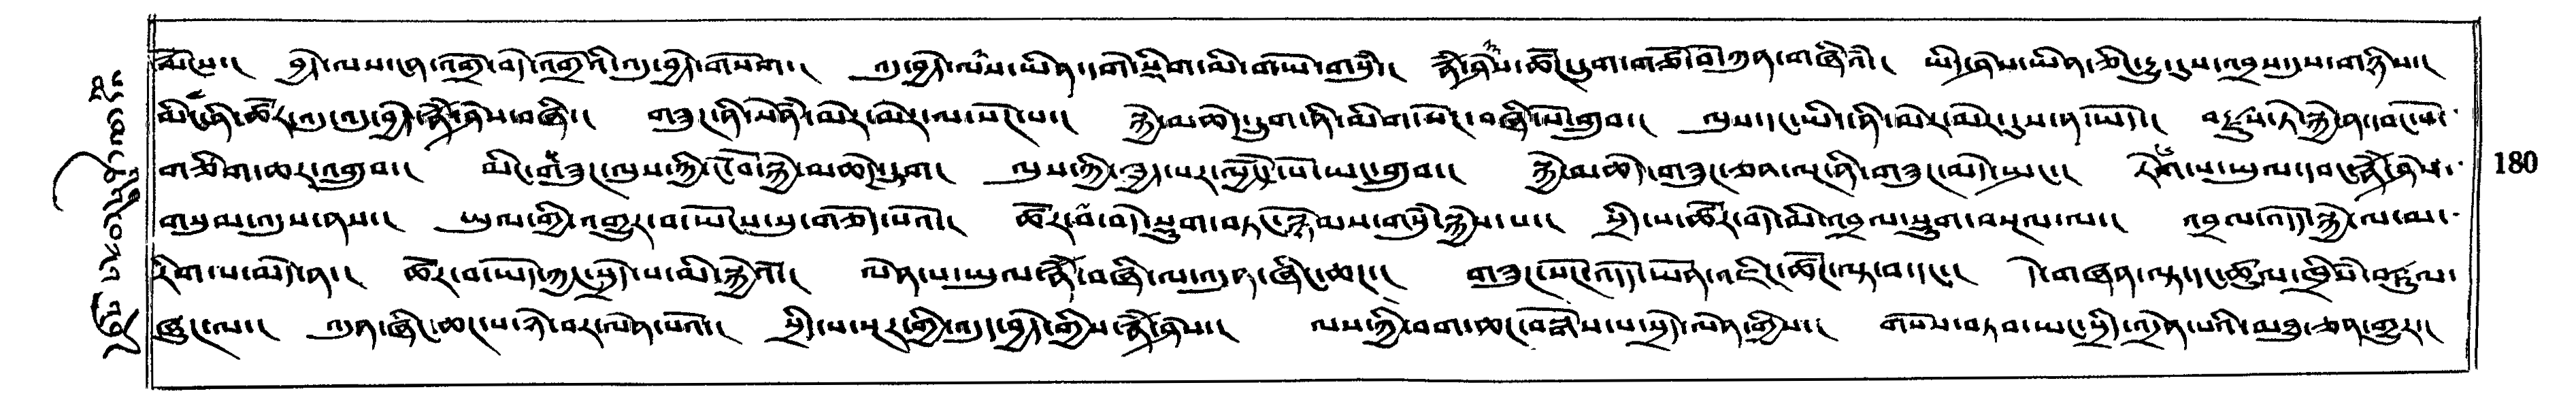རྨོངས། །བྱེད་ལས་ངན་འགྲོ་བདེ་འགྲོའི་འདུ་བྱེད་གསོག །འདུ་བྱེད་ལས་ཡིན་དགེ་སྡིག་མི་གཡོ་གསུམ། །རྣམ་ཤེས་ཚོགས་དྲུག་གཙོ་བོ་ཀུན་གཞིའམ། །ཡིད་ཤེས་ཡིན་ཞིང་རྒྱུ་དུས་འབྲས་དུས་གཉིས། །
མིང་ནི་ཚོར་འདུ་འདུ་བྱེད་རྣམ་ཤེས་བཞི། །གཟུགས་ནི་སེམས་ཅན་མེར་མེར་ལ་སོགས་པ། །སྐྱེ་མཆེད་དྲུག་ནི་མིག་སོགས་བཞི་པོ་གྲུབ། །ལུས་དང་ཡིད་ནི་མེར་མེར་དུས་ན་ཡོད། །བརྫུས་ཏེ་སྐྱེ་ན་དབང་པོ་
གཅིག་ཆར་འགྲུབ། །མིང་གཟུགས་ལུས་ཀྱི་ངོ་བོ་སྐྱེ་མཆེད་དྲུག ལུས་ཀྱི་ཁྱད་པར་ལོངས་སྤྱོད་པོ་ཡང་གྲུབ། །སྐྱེ་མཆེད་གཟུགས་ཅན་ལྔ་ནི་གཟུགས་མེད་སྤང་། །རེག་པ་ཡུལ་དབང་རྣམ་ཤེས་
གསུམ་འདུས་ནས། །ཡུལ་གྱི་འགྱུར་བ་ཡོངས་སུ་གཅོད་པའོ། །ཚོར་བ་བདེ་སྡུག་བཏང་སྙོམས་གསུམ་སྐྱེས་པ། །སྲིད་པ་ཚོར་བདེ་མི་འབྲལ་སྡུག་བསྔལ་ལ། །འབྲལ་འདོད་སྐྱེ་ལ་མ་
རིག་པ་མེད་ན། །ཚོར་བ་ཡོད་ཀྱང་སྲེད་པ་མི་སྐྱེའོ། །ལེན་པ་ཡུལ་རྣམ་བཞི་ལ་འདུན་ཞིང་ཆགས། །གཟུགས་སོགས་འདོད་ཡོན་འཇིག་ཚོགས་ལྟ་བ་དང་། །དེ་གཞན་ལྟ་དང་ཚུལ་ཁྲིམས་བརྟུལ་
ཞུགས་ལ། །འདུན་ཞིང་ཆགས་པ་ཉེ་བར་ལེན་པའོ། །སྲིད་པ་སྔར་གྱི་འདུ་བྱེད་གྱིས་རྣམ་ཤེས། །ལས་ཀྱིས་བག་ཆགས་བསྒོས་པ་སྲེད་ལེན་གྱིས། །གསོས་བཏབ་ཡང་སྲིད་འདྲེན་པའི་མཐུ་ཅན་གྱུར། །